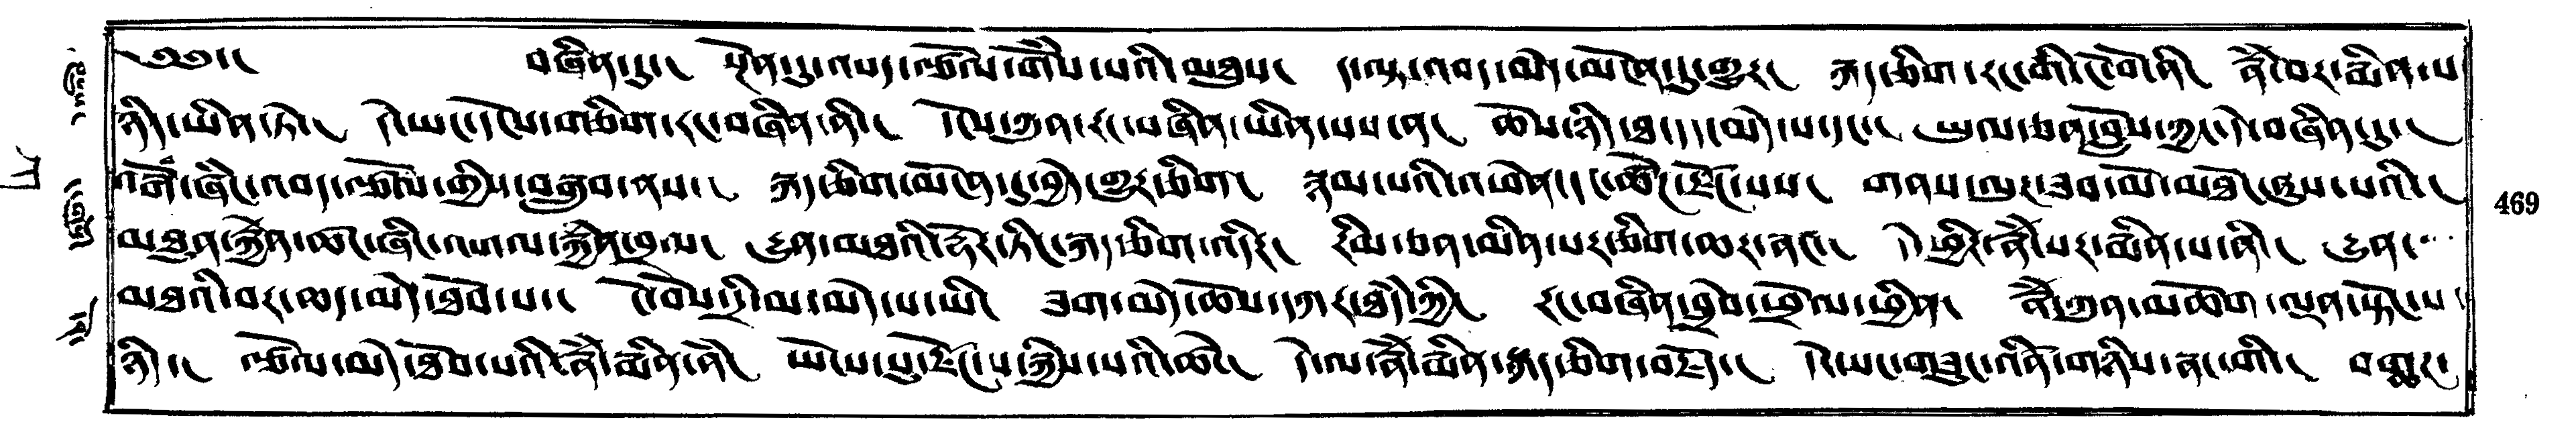བཞིན་དུ། །སྔོན་དུ་འབད་རྩོལ་གོམས་པའི་མཐུས། །ད་ལྟ་འབད་མེད་མངོན་དུ་གྱུར། །སྐད་ཅིག་རང་གི་ངོ་བོ་ནི། །རྣམ་པར་སྨིན་པ་
 ཉིད་ཡིན་ཏེ། །དེ་ཡང་དངོས་གཅིག་རང་བཞིན་ནི། །དངོས་ཀུན་རང་བཞིན་ཡིན་པས་ན། །ཆོས་ཉིད་ཐ་དད་མེད་པ་དང་། །ཡུལ་ཅན་བློས་ཀྱང་དེ་བཞིན་དུ། ། 
སྒོམ་ཞིང་འབད་རྩོལ་གྱིས་བསྒྲུབ་ནས། །སྐད་ཅིག་མངོན་དུ་བྱེད་གྱུར་ཅིག།སྙམ་པའི་འཕེན་དང་ཚོགས་རྫོགས་པས། །གནས་ལུགས་ཟབ་མོ་མཐོང་ནུས་པའི། ། 
མཐུན་རྐྱེན་ཚང་ཞིང་འགལ་རྐྱེན་བྲལ། །རྒྱུན་མཐའི་རྡོར་ཏིང་སྐད་ཅིག་འདིར། །རིམ་ཅན་མིན་པར་ཅིག་ཆར་སྣང་། །དེ་ཕྱིར་རྣམ་པར་སྨིན་པ་ནི། །རྒྱུན་
མཐའི་བར་ཆད་མེད་ཐོབ་པ། །ངོ་བོས་དྲི་མ་མེད་པ་ཡི། །ཟག་མེད་ཆོས་དཀར་ཐམས་ཅད་ཀྱི། །རང་བཞིན་ཤེས་རབ་ཕ་རོལ་ཕྱིན། །རྣམ་ཀུན་མཆོག་ལྡན་སྟོང་པ་
ཉིད། །རྩོལ་མེད་ཐོབ་པའི་རྣམ་སྨིན་ནམ། །ཡོངས་སུ་རྫོགས་པ་སྐྱེས་པའི་ཚེ། །དེ་ལ་རྣམ་སྨིན་སྐད་ཅིག་བརྗོད། །དེ་ཡང་གཟུང་འཛིན་གཉིས་སྣང་གི །བག་ཆགས་